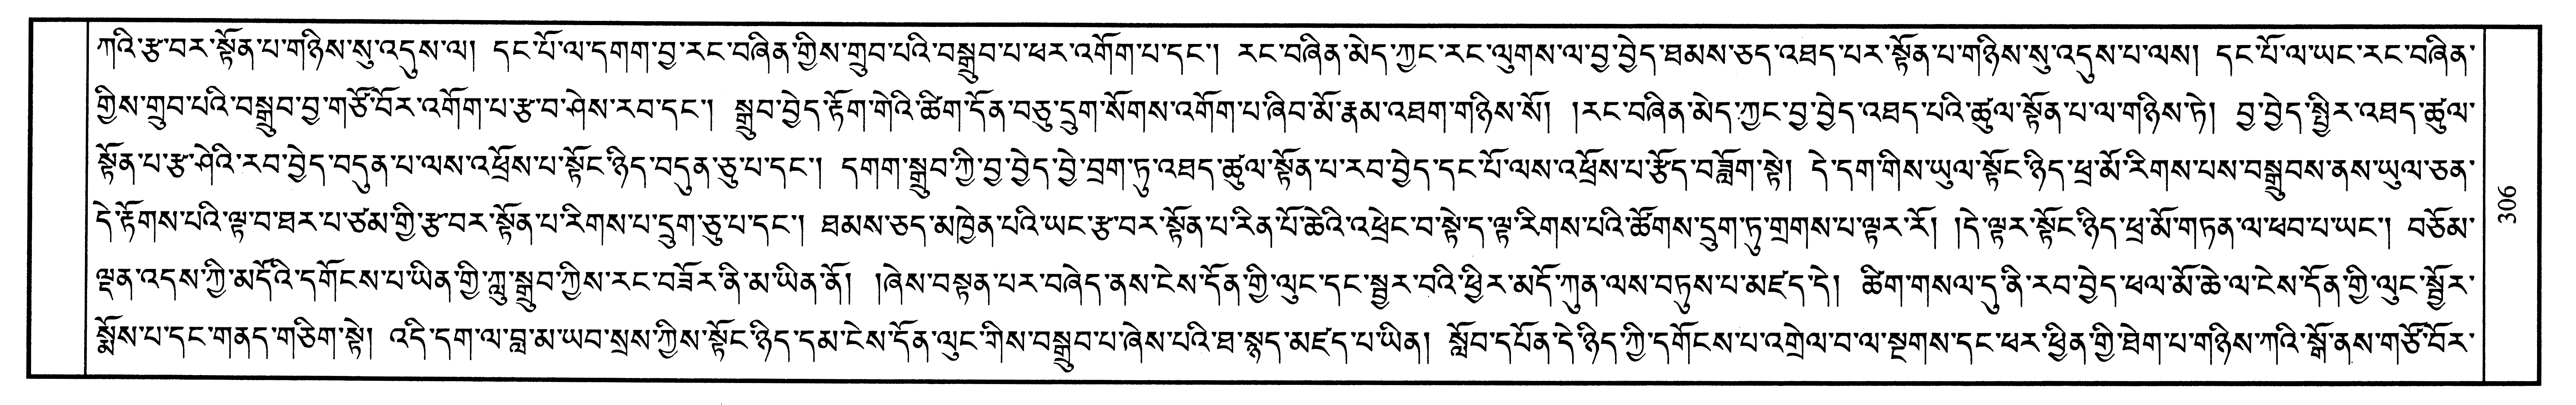ཀའི་རྩ་བར་སྟོན་པ་གཉིས་སུ་འདུས་ལ། དང་པོ་ལ་དགག་བྱ་རང་བཞིན་གྱིས་གྲུབ་པའི་བསྒྲུབ་པ་ཕར་འགོག་པ་དང་། རང་བཞིན་མེད་ཀྱང་རང་ལུགས་ལ་བྱ་བྱེད་ཐམས་ཅད་འཐད་པར་སྟོན་པ་གཉིས་སུ་འདུས་པ་ལས། དང་པོ་ལ་ཡང་རང་བཞིན་
གྱིས་གྲུབ་པའི་བསྒྲུབ་བྱ་གཙོ་བོར་འགོག་པ་རྩ་བ་ཤེས་རབ་དང་། སྒྲུབ་བྱེད་རྟོག་གེའི་ཚིག་དོན་བཅུ་དྲུག་སོགས་འགོག་པ་ཞིབ་མོ་རྣམ་འཐག་གཉིས་སོ། །རང་བཞིན་མེད་ཀྱང་བྱ་བྱེད་འཐད་པའི་ཚུལ་སྟོན་པ་ལ་གཉིས་ཏེ། བྱ་བྱེད་སྤྱིར་འཐད་ཚུལ་
སྟོན་པ་རྩ་ཤེའི་རབ་བྱེད་བདུན་པ་ལས་འཕྲོས་པ་སྟོང་ཉིད་དུ་བདུན་ཅུ་པ་དང་། དགག་སྒྲུབ་ཀྱི་བྱ་བྱེད་བྱེ་བྲག་ཏུ་འཐད་ཚུལ་སྟོན་པར་རབ་བྱེད་དང་པོ་ལས་འཕྲོས་པ་རྩོད་བཟློག་སྟེ། དེ་དག་གིས་ཡུལ་སྟོང་ཉིད་ཕྲ་མོ་རིགས་པས་བསྒྲུབས་ནས་ཡུལ་ཅན་
དེ་རྟོགས་པའི་ལྟ་བ་ཐར་པ་ཙམ་གྱི་རྩ་བར་སྟོན་པ་རིགས་པ་དྲུག་ཅུ་པ་དང་། ཐམས་ཅད་མཁྱེན་པའི་ཡང་རྩ་བར་སྟོན་པ་རིན་པོ་ཆེའི་འཕྲེང་བ་སྟེ་ད་ལྟ་རིགས་པའི་ཚོགས་དྲུག་ཏུ་གྲགས་པ་ལྟར་རོ། །དེ་ལྟར་སྟོང་ཉིད་ཕྲ་མོ་གཏན་ལ་ཕབ་པ་ཡང་། བཅོམ་
ལྡན་འདས་ཀྱི་མདོའི་དགོངས་པ་ཡིན་གྱི་ཀླུ་སྒྲུབ་ཀྱིས་རང་བཟོར་ནི་མ་ཡིན་ནོ། །ཞེས་བསྟན་པར་བཞེད་ནས་ངེས་དོན་གྱི་ལུང་དང་སྦྱར་བའི་ཕྱིར་མདོ་ཀུན་ལས་བཏུས་པ་མཛད་དེ། ཚིག་གསལ་དུ་ནི་རབ་བྱེད་ཕལ་མོ་ཆེ་ལ་ངེས་དོན་གྱི་ལུང་སྦྱོར་
སྨོས་པ་དང་གནད་གཅིག་སྟེ། འདི་དག་ལ་བླ་མ་ཡབ་སྲས་ཀྱིས་སྟོང་ཉིད་དམ་ངེས་དོན་ལུང་གིས་བསྒྲུབ་པ་ཞེས་པའི་ཐ་སྙད་མཛད་པ་ཡིན། སློབ་དཔོན་དེ་ཉིད་ཀྱི་དགོངས་པ་འགྲེལ་བ་ལ་སྔགས་དང་ཕར་ཕྱིན་གྱི་ཐེག་པ་གཉིས་ཀའི་སྒོ་ནས་གཙོ་བོར་